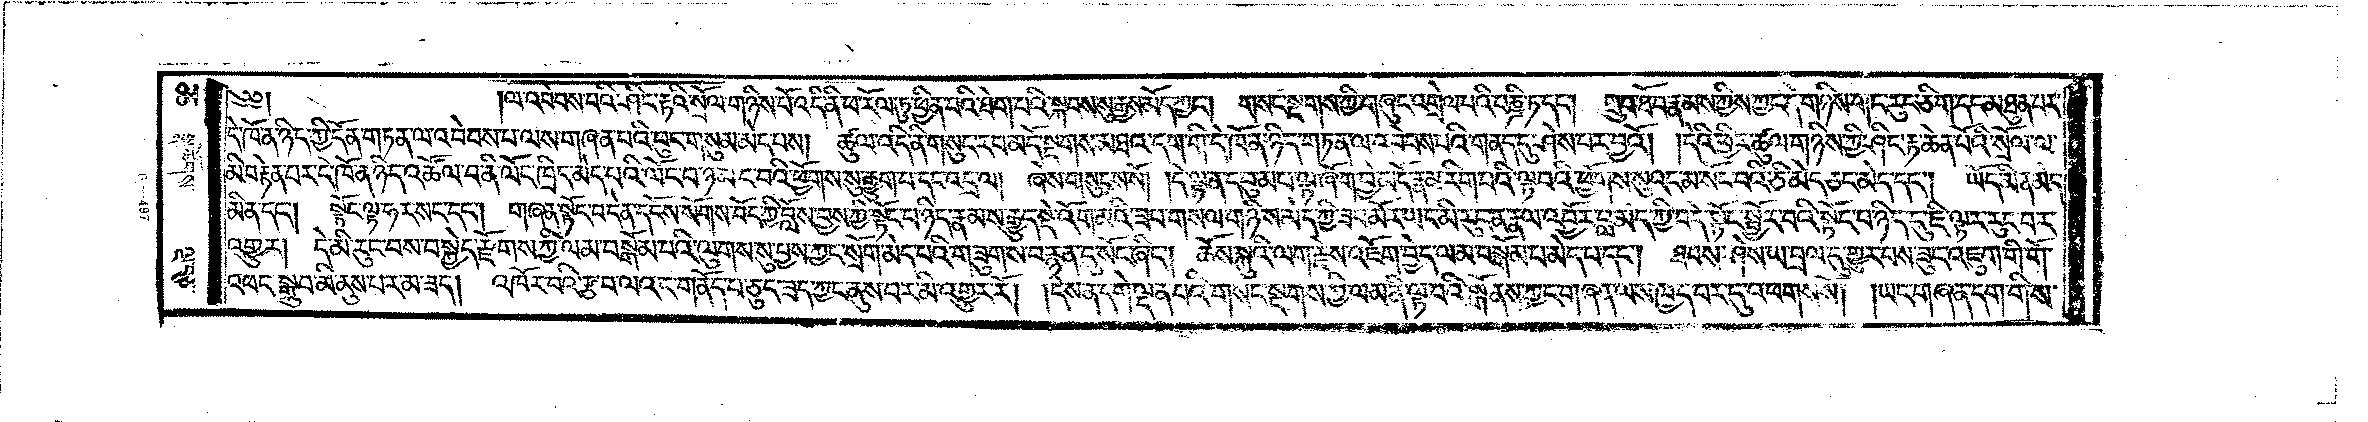༄༅། །ལ་འབེབས་པའི་ཤིང་རྟའི་སྲོལ་གཉིས་པོ་འདི་ནི་ཕ་རོལ་ཏུ་ཕྱིན་པའི་ཐེག་པའི་སྐབས་སུ་རྒྱས་མོད་ཀྱང་། གསང་སྔགས་ཀྱི་གཞུང་འགྲེལ་པའི་པཎྜི་ཏ་དང་། གྲུབ་ཐོབ་རྣམས་ཀྱིས་ཀྱང་དེ་གཉིས་གང་རུང་ཅིག་དང་མཐུན་པར་
དེ་ཁོ་ན་ཉིད་ཀྱི་དོན་གཏན་ལ་འབེབས་པ་ལས་གཞན་པའི་བུང་གསུམ་མེད་པས། ཚུལ་འདི་ནི་གསུང་རབ་མདོ་སྔགས་མཐའ་དག་གི་དེ་ཁོ་ན་ཉིད་གཏན་ལ་འབེབས་པའི་གནད་དུ་ཤེས་པར་བྱའོ། །དེའི་ཕྱིར་ཚུལ་གཉིས་ཀྱི་ཤིང་རྟ་ཆེན་པོའི་སྲོལ་ལ་
མི་བརྟེན་པར་དེ་ཁོ་ན་ཉིད་འཚོལ་བ་ནི་ལོང་ཁྲིད་མེད་པའི་ལོང་བ་ཉམ་ང་བའི་ཕྱོགས་སུ་རྒྱུག་པ་དང་འདྲ་ལ། ཞེས་གསུངས་སོ། །དེ་ལྟ་ན་དབུམ་པ་ལྟ་ཞོག་བྱེ་མདོ་རྣམ་རིག་པའི་ལྟ་བའི་ཕྱོགས་སུའང་མ་སོང་བའི་ཅི་མེད་ཅང་མེད་དང་། ཡོད་མིན་མེད་
མིན་དང་། སྟོང་ལྟ་ཧར་སང་དང་། གཞན་སྟོང་བདེན་དངོས་སོགས་བོད་ཀྱི་བློས་བྱས་ཀྱི་སྟོང་པ་ཉིད་རྣམས་རྒྱུད་སྡེ་འོག་མའི་ཟབ་གསལ་གཉིས་མེད་ཀྱི་ཟབ་མོར་ཡང་མི་རུང་ན་རྣལ་འབྱོར་བླ་མེད་ཀྱི་བདེ་སྟོང་སྦྱོར་བའི་སྟོང་པ་ཉིད་དུ་ཇི་ལྟར་རུང་བར་
འགྱུར། དེ་མི་རུང་བས་བསྐྱེད་རྫོགས་ཀྱི་ལམ་བསྒོམ་པའི་ལུགས་སུ་བྱས་ཀྱང་སྲོག་མེད་པའི་གཟུགས་བརྙན་དུ་སོང་ཞིང་། ཆོས་སྐུའི་ལག་རྗེས་འཇོག་བྱེད་ལམ་བསྒོམ་པ་མེད་པ་དང་། ཐབས་ཤེས་ཡ་བྲལ་དུ་གྱུར་པས་ཟུང་འཇུག་གི་གོ་
འཕང་སྒྲུབ་མི་ནུས་པར་མ་ཟད། འཁོར་བའི་རྩ་བ་ལའང་གནོད་པ་ཅུང་ཟད་ཀྱང་ནུས་པར་མི་འགྱུར་རོ། །དེས་ན་དགེ་ལྡན་པའི་གསང་སྔགས་ཀྱི་ལམ་ནི་ལྟ་བའི་སྒོ་ནས་ཀྱང་གཞན་ལས་ཁྱད་པར་དུ་འཕགས་སོ། །ཡང་གཞན་དག་གིས་